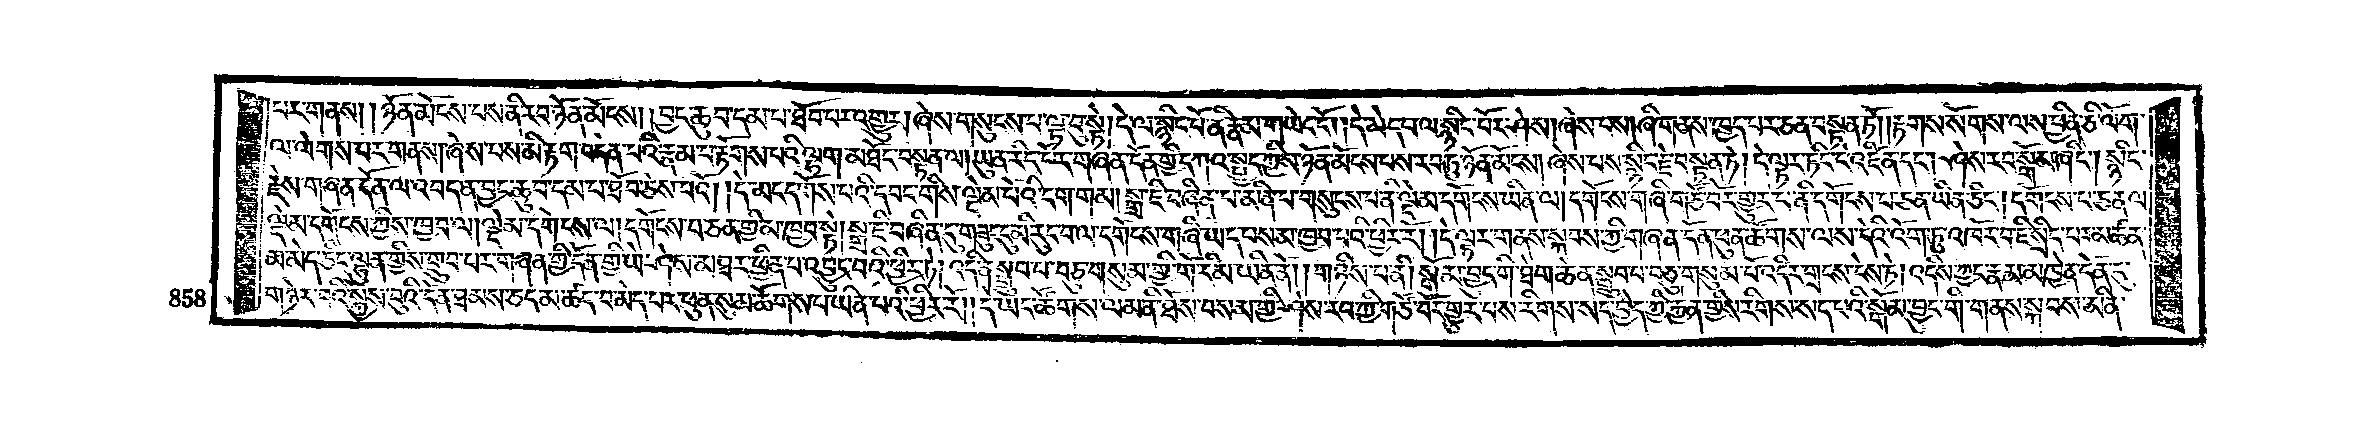པར་གནས། །ཉོན་མོངས་པས་ནི་རབ་ཉོན་མོངས། །བྱང་ཆུབ་དམ་པ་ཐོབ་པར་འགྱུར། ཞེས་གསུངས་པ་ལྟ་བུ་སྟེ། དེ་ལ་སྙིང་པོ་ནི་རྣམ་གཡེང་ངོ། །དེ་མེད་པ་ལ་སྙིང་པོར་ཤེས། ཞེས་པས། ཞི་གནས་ཁྱད་པར་ཅན་བསྟན་ཏོ། །རྟགས་སོགས་ལས་ཕྱིན་ཅི་ལོག་
ལ་ལེགས་པར་གནས། ཞེས་པས་མི་རྟག་བདེན་པའི་རྣམ་པ་རྟོགས་པའི་ལྷག་མཐོང་བསྟན་ལ། ཡུན་རིང་པོར་གཞན་དོན་གྱི་དཀའ་སྤྱད་ཀྱིས་ཉོན་མོངས་པས་རབ་ཏུ་ཉོན་མོངས། ཞེས་པས་སྙིང་རྗེ་བསྟན་ཏེ། དེ་ལྟར་ཏིང་ངེ་འཛིན་དང་། ཤེས་རབ་སྒོམ་ཞིང་། སྙིང་
རྗེས་གཞན་དོན་ལ་འབད་ན་བྱང་ཆུབ་དམ་པ་ཐོབ་ཅེས་པའོ། །དེ་མང་དགོས་པའི་དབང་གིས་ལྡེམ་པོའི་ངག་གམ། སྒྲ་ཇི་བཞིན་པ་མིན་པ་གསུངས་པ་ནི་ལྡེམ་དགོངས་ཡིན་ལ། དགོངས་གཞི་གཙོ་བོར་གྱུར་པ་ནི་དགོངས་པ་ཅན་ཡིན་ཅིང་། དགོངས་པ་ཅན་ལ་
ལྡེམ་དགོངས་ཀྱིས་ཁྱབ་ལ། ལྡེམ་དགོངས་ལ། དགོངས་པ་ཅན་གྱི་མ་ཁྱབ་སྟེ། སྒྲ་ཇི་བཞིན་དུ་གཟུང་དུ་མི་རུང་བ་ལ་དགོངས་གཞི་ཡིད་བསམ་ཁྱབ་པའི་ཕྱིར་རོ། །དེ་ལྟར་གནས་སྐབས་ཀྱི་གཞན་དོན་ཕུན་ཚོགས་ལས་དེའི་འོག་ཏུ་འཁོར་བ་ཇི་སྲིད་པར་མཚན་
མ་མེད་ཅིང་ལྷུན་གྱིས་གྲུབ་པར་གཞན་གྱི་དོན་གྱི་ཡེ་ཤེས་མཐར་ཕྱིན་པ་འབྱུང་བའི་ཕྱིར་ཏེ། འདི་ནི་སྒྲུབ་པ་བཅུ་གསུམ་གྱི་གོ་རིམ་ཡིན་ནོ། །གཉིས་པ་ནི། སྒོམ་བྱུང་གི་ཐེག་ཆེན་སྒྲུབ་པ་བཅུ་གསུམ་པོ་འདིར་གྲངས་ངེས་ཏེ། འདིས་ཀྱང་རྣམ་མཁྱེན་དོན་དུ་
གཉེར་བའི་སྐྱེས་བུའི་དོན་ཐམས་ཅད་མ་ཚང་བ་མེད་པར་ཕུན་སུམ་ཚོགས་པ་ཡིན་པའི་ཕྱིར་རོ། །དེ་ཡང་ཚོགས་ལམ་ནི་ཐོས་བསམ་གྱི་ཤེས་རབ་ཀྱི་གཙོ་བོར་གྱུར་བས་རིགས་སད་བྱེད་ཀྱི་རྐྱེན་གྱིས་རིགས་སད་པའི་སྒོམ་བྱུང་གི་གནས་སྐབས་མིན་